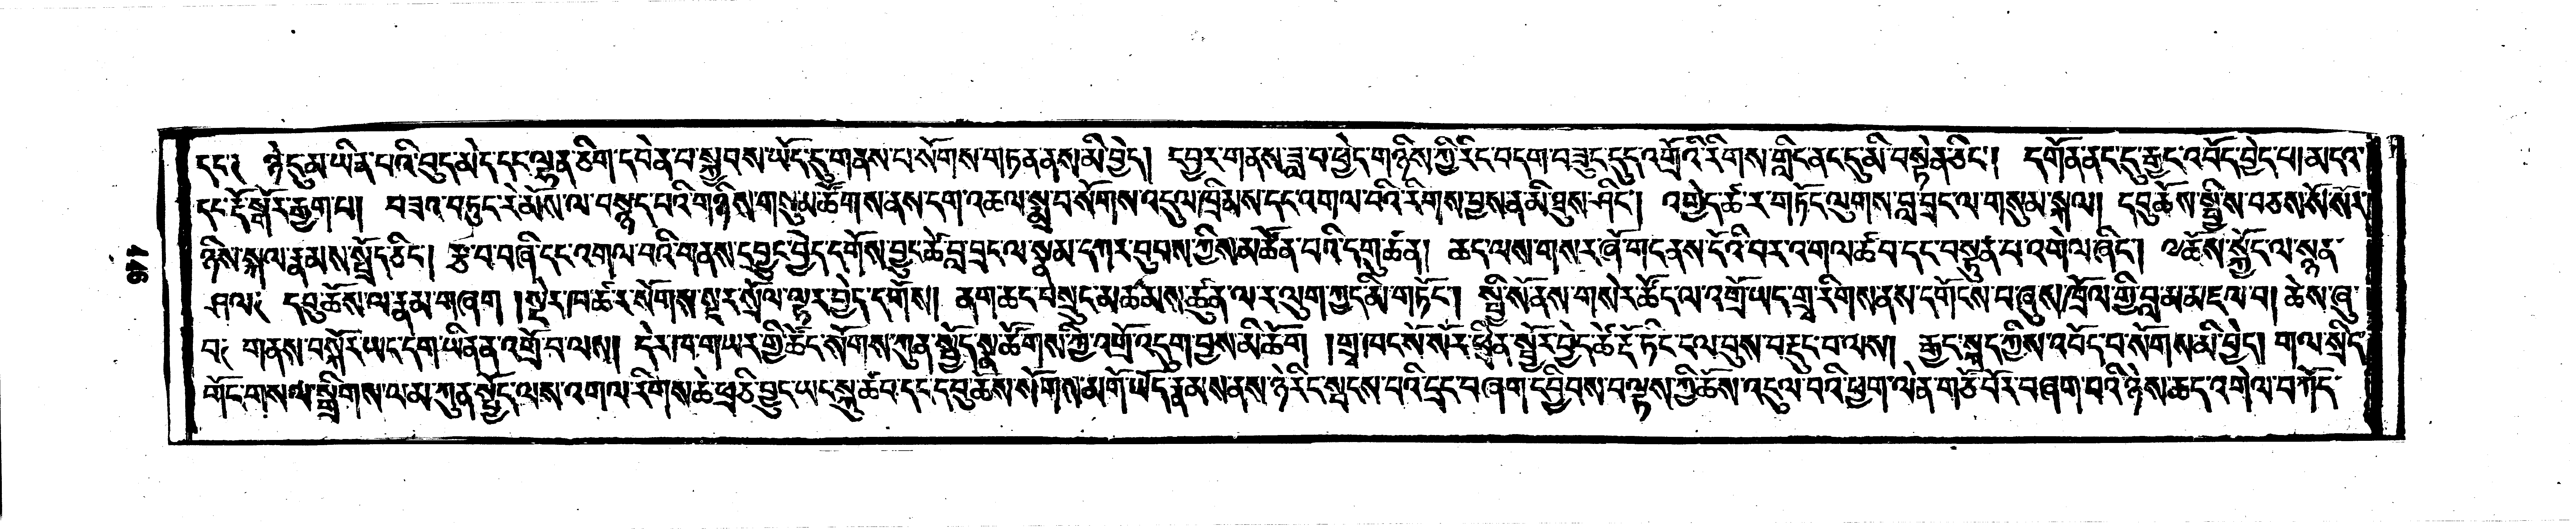དང༑ ཉེ་དུ་མ་ཡིན་པའི་བུད་མེད་དང་ལྷན་ཅིག་དབེན་པ་སྐྱབས་ཡོད་དུ་གནས་པ་སོགས་གཏན་ནས་མི་བྱེད། དབྱར་གནས་ཟླ་བ་ཕྱེད་གཉིས་ཀྱི་རིང་བདག་བཟུང་དུད་འགྲོའི་རིགས་གླིང་ནང་དུ་མི་བསྟེན་ཅིང་། དགོན་ནང་དུ་རྒྱུད་འབོད་བྱེད་པ། མདའ་
དང་རྡོ་སྒོར་རྒྱག་པ། བཟའ་བཏུང་རེ་མོས་ལ་བསྙད་པའི་གཉིས་གསུམ་ཚོགས་ནས་དག་འཆལ་སྨྲ་བ་སོགས་འདུལ་ཁྲིམས་དང་འགལ་བའི་རིགས་བྱས་ན་མི་ཐུས་ཤིང་། འགྱེད་ཚ་ར་གཏོང་ལུགས་བླ་བྲང་ལ་གསུམ་སྐལ། དབུ་ཆོས་སྦྱིས་བཅས་སོ་སོར་
ཉིས་སྐལ་རྣམས་སྤྲོད་ཅིང་། རྩ་བ་བཞི་དང་འགལ་བའི་གནས་དབྱུང་བྱེད་དགོས་བྱུང་ཚེ་བླ་བྲང་ལ་སྣམ་དཀར་བུབས་ཀྱིས་མཚོན་པའི་དགུ་ཚན། ཆད་ལས་གསར་ཞོ་གང་ནས་དོའི་བར་འགལ་ཚ་བ་དང་བསྟུན་པ་འགེལ་ཞིང་། ༧་ཆོས་སྐྱོང་ལ་སྙན་
ཤལ༑ དབུ་ཆོས་ལ་རྣམ་གཞག །སྡེར་ཁ་ཚ་ར་སོགས་སྔར་སྲོལ་ལྟར་བྱེད་དགོས། ནག་ཆད་བསྲུང་མཚམས་ཚུན་ལ་ར་ལུག་ཀྱང་མི་གཏོང་། སྦྱི་སོ་ནས་གསེར་ཚོད་ལ་འགྲོ་ཡང་གྲྭ་རིགས་ནས་དགོངས་པ་ཞུས་ཁྲོལ་གྱི་བླ་མ་མཇལ་བ། ཆེས་ཞུ་
བ༑ གནས་བསྐོར་ཡང་དག་ཡིན་ན་འགྲོ་བ་ལས། དེར་ཁ་གཡར་གྱི་ཚོང་སོགས་ཀུན་སྦྱོད་སྣ་ཚོགས་ཀྱི་འགྲོ་འདུག་བྱས་མི་ཆོག །གྲྭ་ཁང་སོ་སོར་ཕྲིན་སྦྱོར་བྱེད་ཚེ་རྡོ་ཏིང་ངལ་བུས་བརྡུང་བ་ལས། རྒྱད་སྐད་ཀྱིས་འབོད་བ་སོགས་མི་བྱེད། གལ་སྲིད་
གོང་གསལ་སྒྲིགས་ལམ་ཀུན་སྦྱོད་ལས་འགལ་རིགས་ཆེ་ཕྲ་ཅི་བྱུང་ཡང་སྐུ་ཚབ་དང་དབུ་ཆོས་སོགས་མགོ་ཡོད་རྣམས་ནས་ཉེ་རིང་སྤངས་པའི་དྲང་བཞག་དབྱིབས་བལྟས་ཀྱི་ཆོས་འདུལ་བའི་ཕྱག་ལེན་གཙོ་བོར་བཞག་པའི་ཉེས་ཆད་འགེལ་བཀོད་